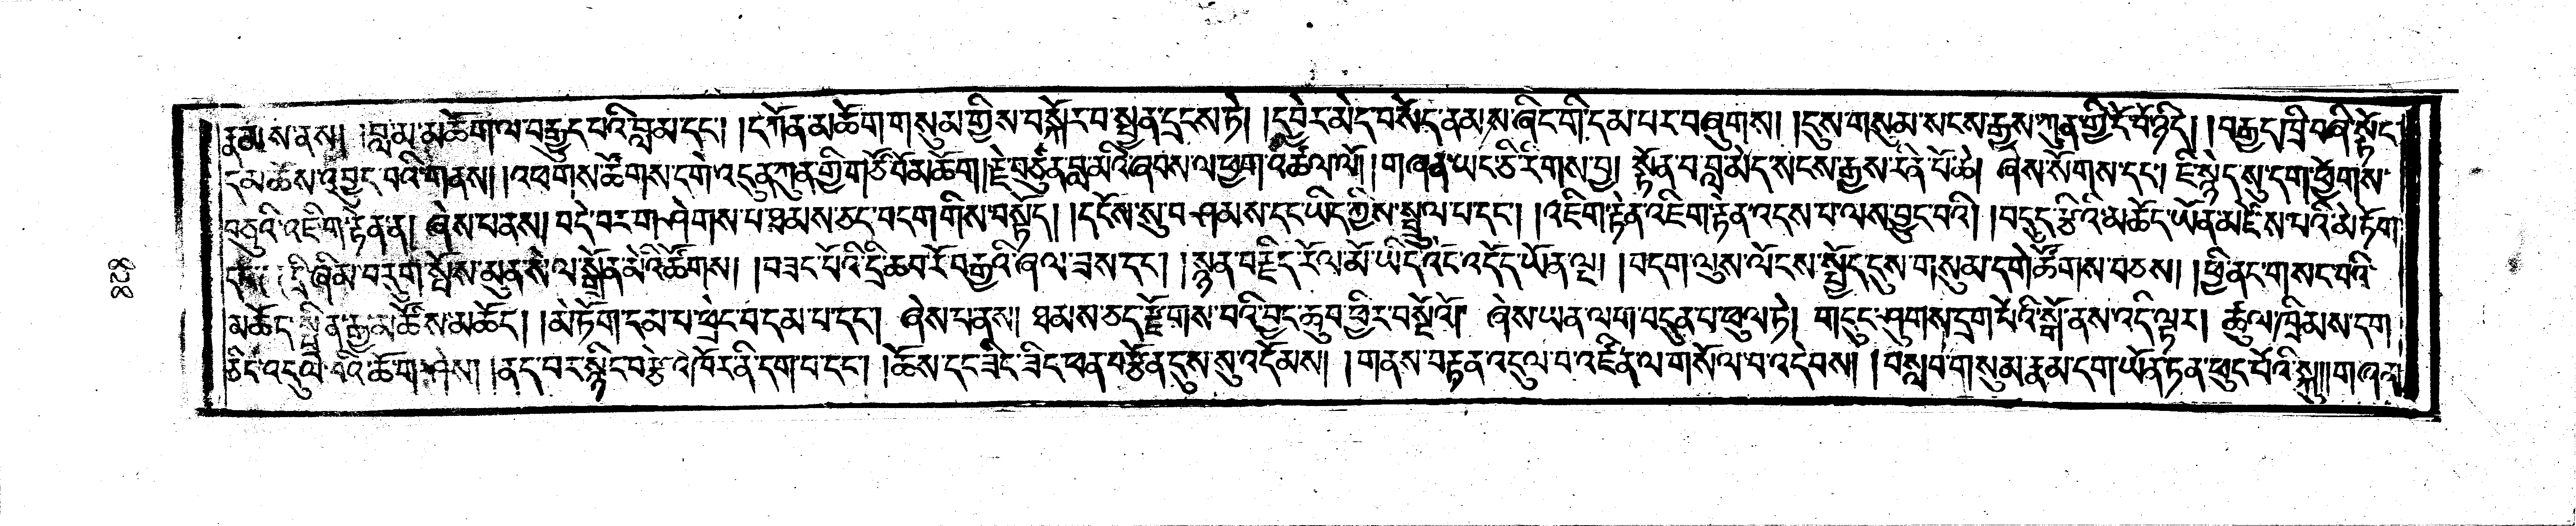རྣམས་ནས། །བླ་མ་མཆོག་ལ་བརྒྱུད་པའི་བླ་མ་དང་། །དཀོན་མཆོག་གསུམ་གྱིས་བསྐོར་བ་སྤྱན་དྲངས་ཏེ། །དབྱེར་མེད་བསོད་ནམས་ཞིང་གི་དམ་པར་བཞུགས། །དུས་གསུམ་སངས་རྒྱས་ཀུན་གྱི་ངོ་བོ་ཉིད། །བརྒྱད་ཁྲི་བཞི་སྟོང་
དམ་ཆོས་འབྱུང་བའི་གནས། །འཕགས་ཚོགས་དགེ་འདུན་ཀུན་གྱི་གཙོ་བོ་མཆོག །རྗེ་བཙུན་བླ་མའི་ཞབས་ལ་ཕྱག་འཚལ་ལོ། །གཞན་ཡང་ཅི་རིགས་བྱ། སྟོན་པ་བླ་མེད་སངས་རྒྱས་རིན་པོ་ཆེ། ཞེས་སོགས་དང་། ཇི་སྙེད་སུ་དག་ཕྱོགས་
བཅུའི་འཇིག་རྟེན་ན། ཞེས་པ་ནས། བདེ་བར་གཤེགས་པ་ཐམས་ཅད་བདག་གིས་བསྟོད། །དངོས་སུ་བཤམས་དང་ཡིད་ཀྱིས་སྤྲུལ་པ་དང་། །འཇིག་རྟེན་འཇིག་རྟེན་འདས་པ་ལས་བྱུང་བའི། །བདུད་རྩིའི་མཆོད་ཡོན་མཛེས་པའི་མེ་ཏོག་
དང༑ ༑དྲི་ཞིམ་བདུག་སྤོས་མུན་སེལ་སྒྲོན་མེའི་ཚོགས། །བཟང་པོའི་དྲི་ཆབ་རོ་བརྒྱའི་ཞལ་ཟས་དང་། །སྙན་བརྗིད་རོལ་མོ་ཡིད་འོང་འདོད་ཡོན་ལྔ། །བདག་ལུས་ལོངས་སྤྱོད་དུས་གསུམ་དགེ་ཚོགས་བཅས། །ཕྱི་ནང་གསང་བའི་
མཆོད་སྤྲིན་རྒྱ་མཚོས་མཆོད། །མེ་ཏོག་དམ་པ་ཕྲེང་བ་དམ་པ་དང་། ཞེས་པ་ནས། ཐམས་ཅད་རྫོགས་པའི་བྱང་ཆུབ་ཕྱིར་བསྔོའོ། ཞེས་ཡན་ལག་བདུན་པ་ཕུལ་ཏེ། གདུང་ཤུགས་དྲག་པོའི་སྒོ་ནས་འདི་ལྟར། ཚུལ་ཁྲིམས་དག་
ཅིང་འདུལ་བའི་ཆོ་ག་ཤེས། །ནད་པར་སྙིང་བརྩེ་འཁོར་ནི་དག་པ་དང་། །ཆོས་དང་ཟང་ཟིང་ཕན་བརྩོན་དུས་སུ་འདོམས། །གནས་བརྟན་འདུལ་བ་འཛིན་ལ་གསོལ་བ་འདེབས། །བསླབ་གསུམ་རྣམ་དག་ཡོན་ཏན་ཕུང་པོའི་སྐུ། །གཞན་